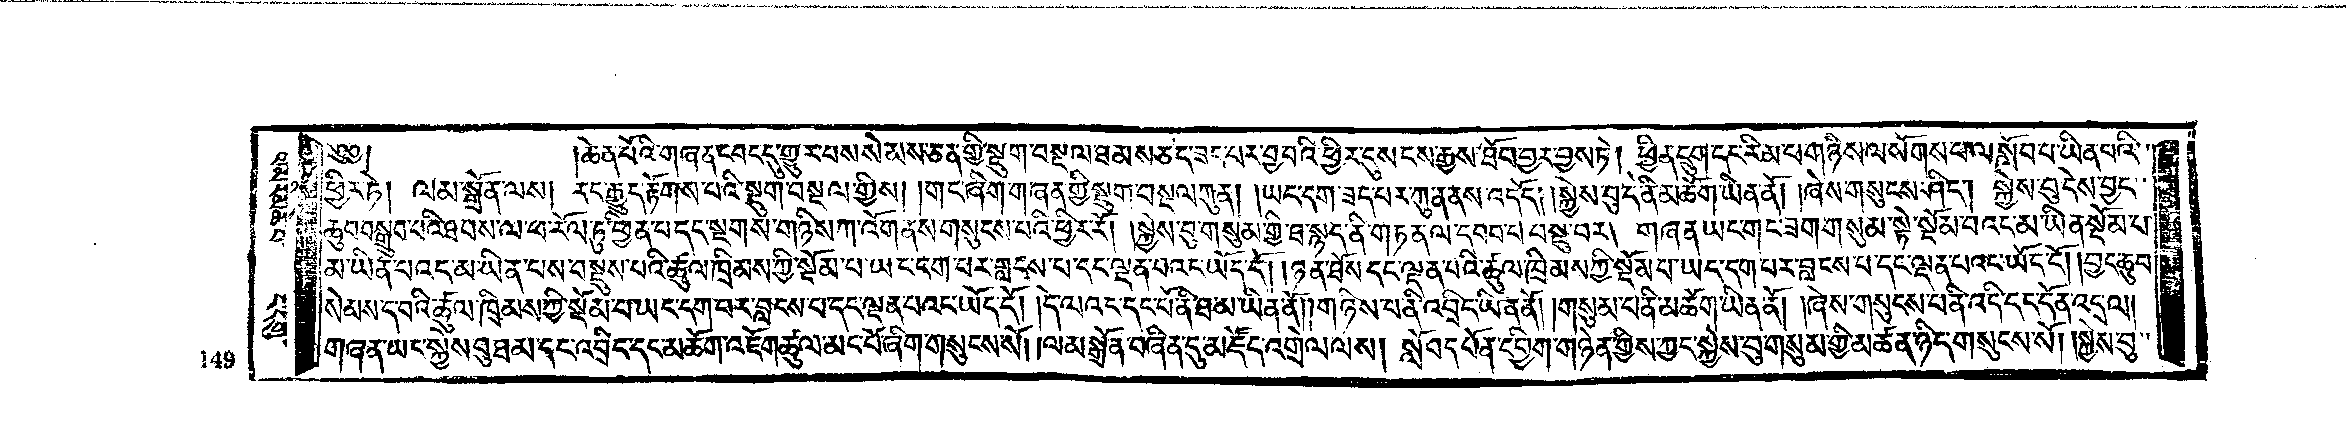༄༅། །ཆེན་པོའི་གཞན་དབང་དུ་གྱུར་པས་སེམས་ཅན་གྱི་སྡུག་བསྔལ་ཐམས་ཅད་ཟད་པར་བྱ་བའི་ཕྱིར་དུ་སངས་རྒྱས་ཐོབ་བྱར་བྱས་ཏེ། ཕྱིན་དྲུག་དང་རིམ་པ་གཉིས་ལ་སོགས་པ་ལ་སློབ་པ་ཡིན་པའི་
ཕྱིར་ཏེ། ལམ་སྒྲོན་ལས། རང་རྒྱུད་རྟོགས་པའི་སྡུག་བསྔལ་གྱིས། །གང་ཞིག་གཞན་གྱི་སྡུག་བསྔལ་ཀུན། །ཡང་དག་ཟད་པར་ཀུན་ནས་འདོད། །སྐྱེས་བུ་དེ་ནི་མཆོག་ཡིན་ནོ། །ཞེས་གསུངས་ཤིང་། སྐྱེས་བུ་དེས་བྱང་
ཆུབ་བསྒྲུབ་པའི་ཐབས་ལ་ཕ་རོལ་ཏུ་ཕྱིན་པ་དང་སྔགས་གཉིས་ཀ་འོག་ནས་གསུངས་པའི་ཕྱིར་རོ། །སྐྱེས་བུ་གསུམ་གྱི་ཐ་སྙད་ནི་གཏན་ལ་དབབ་པ་བསྡུ་བར། གཞན་ཡང་གང་ཟག་གསུམ་སྟེ་སྡོམ་པའང་མ་ཡིན་སྡོམ་པ་
མ་ཡིན་པའང་མ་ཡིན་པས་བསྡུས་པའི་ཚུལ་ཁྲིམས་ཀྱི་སྡོམ་པ་ཡང་དག་པར་བླངས་པ་དང་ལྡན་པའང་ཡོད་དོ། །ཉན་ཐོས་དང་ལྡན་པའི་ཚུལ་ཁྲིམས་ཀྱི་སྡོམ་པ་ཡང་དག་པར་བླངས་པ་དང་ལྡན་པའང་ཡོད་དོ། །བྱང་ཆུབ་
སེམས་དཔའི་ཚུལ་ཁྲིམས་ཀྱི་སྡོམ་པ་ཡང་དག་པར་བླངས་པ་དང་ལྡན་པའང་ཡོད་དོ། །དེ་ལའང་དང་པོ་ནི་ཐ་མ་ཡིན་ནོ། །གཉིས་པ་ནི་འབྲིང་ཡིན་ནོ། །གསུམ་པ་ནི་མཆོག་ཡིན་ནོ། །ཞེས་གསུངས་པ་ནི་འདི་དང་དོན་འདྲ་ལ།
གཞན་ཡང་སྐྱེས་བུ་ཐ་མ་དང་འབྲིང་དང་མཆོག་འཇོག་ཚུལ་མང་པོ་ཞིག་གསུངས་སོ། །ལམ་སྒྲོན་བཞིན་དུ་མཛོད་འགྲེལ་ལས། སློབ་དཔོན་དབྱིག་གཉེན་གྱིས་ཀྱང་སྐྱེས་བུ་གསུམ་གྱི་མཚན་ཉིད་གསུངས་སོ། །སྐྱེས་བུ་